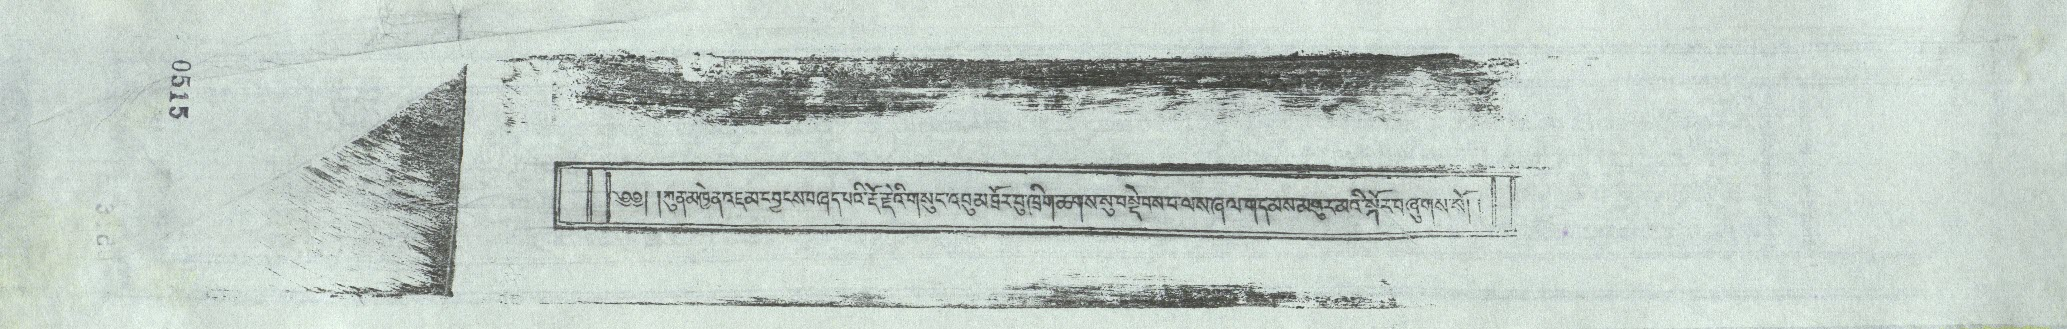༄༅། །ཀུན་མཁྱེན་འཇམ་དབྱངས་བཞད་པའི་རྡོ་རྗེའི་གསུང་འབུམ་ཐོར་བུ་ཁྲིག་ཆགས་སུ་བསྡེབས་པ་ལས་ཞལ་གདམས་མགུར་མའི་སྐོར་བཞུགས་སོ། །